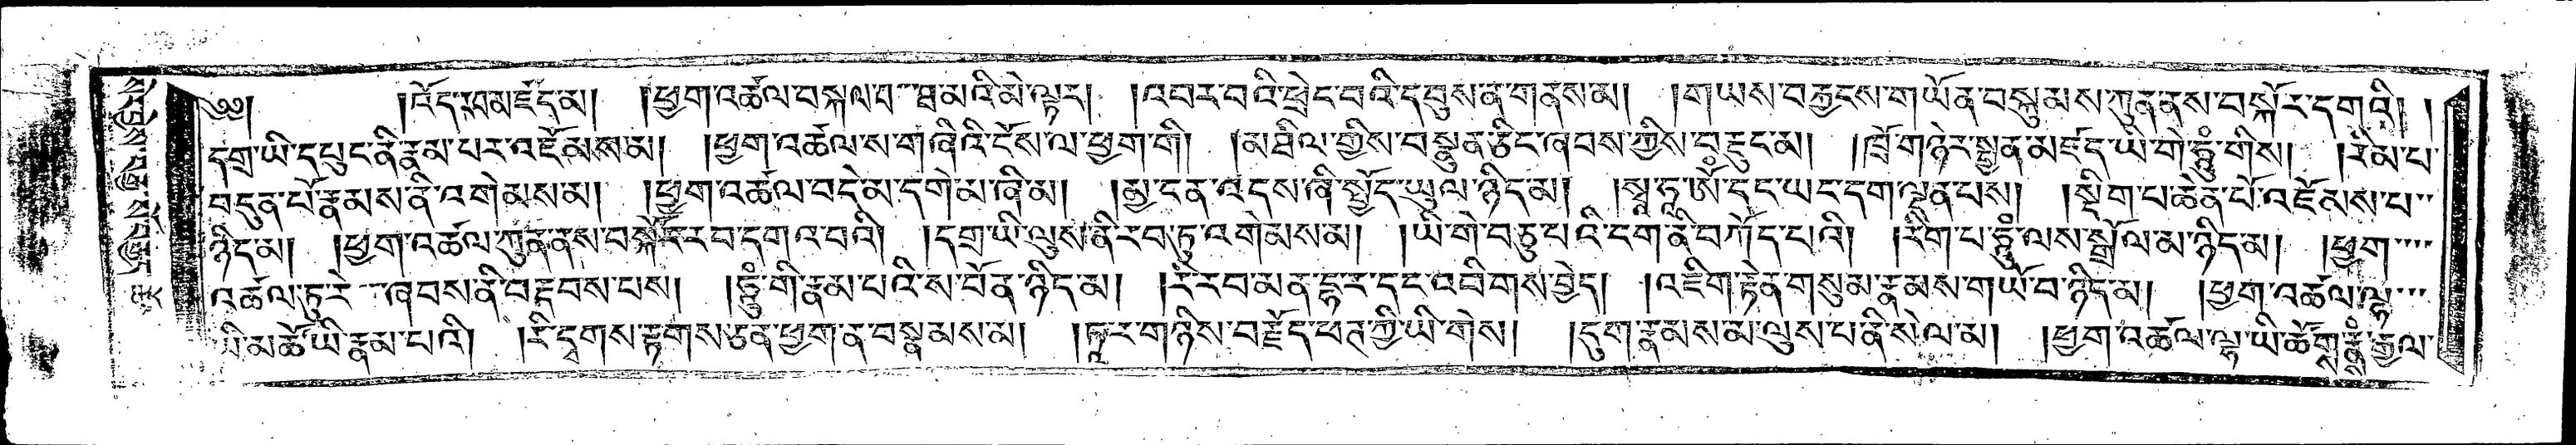༄༅། །འོད་རབ་མཛད་མ། །ཕྱག་འཚལ་བསྐལ་བ་ཐ་མའི་མེ་ལྟར། །འབར་བའི་ཕྲེང་བའི་དབུས་ན་གནས་མ། །གཡས་བརྐྱངས་གཡོན་བསྐུམས་ཀུན་ནས་བསྐོར་དགའི། །
དགྲ་ཡི་དཔུང་ནི་རྣམ་པར་འཇོམས་མ། །ཕྱག་འཚལ་ས་གཞིའི་ངོས་ལ་ཕྱག་གི །མཐིལ་གྱིས་བསྣུན་ཅིང་ཞབས་ཀྱིས་བརྡུང་མ། །ཁྲོ་གཉེར་སྤྱན་མཛད་ཡི་གེ་ཧཱུཾ་གིས། །རིམ་པ་
བདུན་པོ་རྣམས་ནི་འགེམས་མ། །ཕྱག་འཚལ་བདེ་མ་དགེ་མ་ཞི་མ། །མྱ་ངན་འདས་ཞི་སྤྱོད་ཡུལ་ཉིད་མ། །སྭཱ་ཧཱ་ཨོཾ་དང་ཡང་དག་ལྡན་པས། །སྡིག་པ་ཆེན་པོ་འཇོམས་པ་
ཉིད་མ། །ཕྱག་འཚལ་ཀུན་ནས་བསྐོར་རབ་དགའ་བའི། །དགྲ་ཡི་ལུས་ནི་རབ་ཏུ་འགེམས་མ། །ཡི་གེ་བཅུ་པའི་ངག་ནི་བཀོད་པའི། །རིག་པ་ཧཱུཾ་ལས་སྒྲོལ་མ་ཉིད་མ། །ཕྱག་
འཚལ་ཏུ་རེ་ཞབས་ནི་བརྡབས་པས། །ཧཱུཾ་གི་རྣམ་པའི་ས་བོན་ཉིད་མ། །རི་རབ་མན་དྷ་ར་དང་འབིགས་བྱེད། །འཇིག་རྟེན་གསུམ་རྣམས་གཡོ་བ་ཉིད་མ། །ཕྱག་འཚལ་ལྷ་
ཡི་མཚོ་ཡི་རྣམ་པའི། །རི་དྭགས་རྟགས་ཅན་ཕྱག་ན་བསྣམས་མ། །ཏཱ་ར་གཉིས་བརྗོད་ཕཊ་ཀྱི་ཡི་གེས། །དུག་རྣམས་མ་ལུས་པ་ནི་སེལ་མ། །ཕྱག་འཚལ་ལྷ་ཡི་ཚོགས་རྣམས་རྒྱལ་